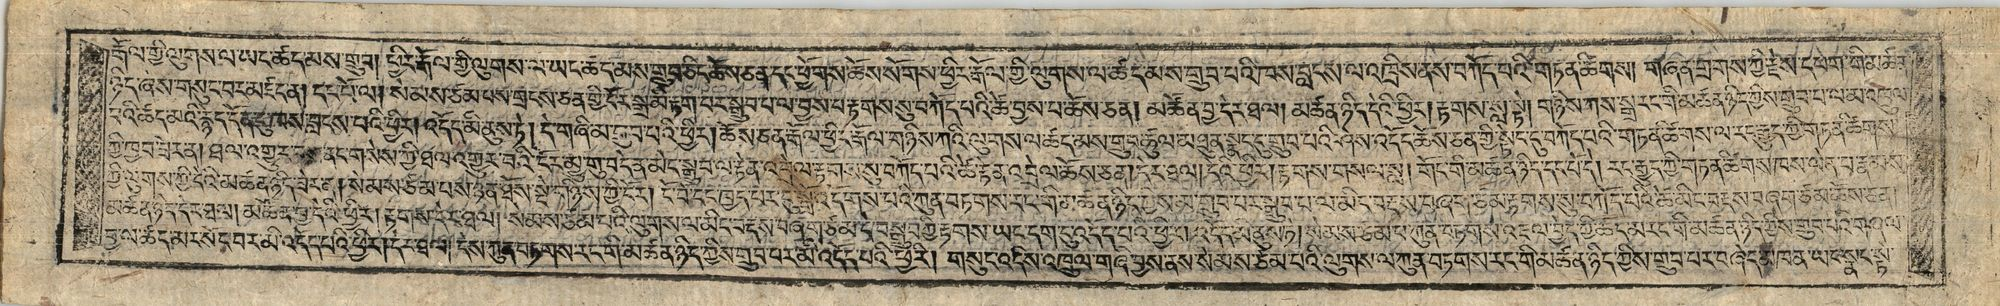རྒོལ་གྱི་ལུགས་ལ་ཡང་ཚད་མས་གྲུབ། ཕྱིར་རྒོལ་གྱི་ལུགས་ལ་ཡང་ཚད་མས་གྲུབ་ཅིང་ཆོས་ཅན་དང་ཕྱོགས་ཆོས་སོགས་ཕྱིར་རྒོལ་གྱི་ལུགས་ལ་ཚད་མས་གྲུབ་པའི་ཁས་བླངས་ལ་འཁྲིསྣས་བཀོད་པའི་གཏན་ཚིགས། གཞན་གྲགས་ཀྱི་རྗེས་དཔག་གི་མཚན་
ཉིད་ཞེས་གསུང་བར་མཛད་ན། དང་པོ་ལ། སེམས་ཙམ་པས་གྲངས་ཅན་གྱི་ངོར་སྒྲ་མི་རྟག་པར་སྒྲུབ་པ་ལ་བྱས་པ་རྟགས་སུ་བཀོད་པའི་ཚེ་བྱས་པ་ཆོས་ཅན། མཚོན་བྱ་དེར་ཐལ། མཚན་ཉིད་དེའི་ཕྱིར། རྟགས་སླ་སྟེ། གཉིས་ཀས་སྒྲ་རང་གི་མཚན་ཉིད་ཀྱིས་གྲུབ་པ་ལ་མ་འཁྲུལ་
བའི་ཚད་མའི་རྙེད་དོན་དུ་ཁས་བླངས་པའི་ཕྱིར། འདོད་མི་ནུས་ཏེ། དེ་གཞི་མ་གྲུབ་པའི་ཕྱིར། ཆོས་ཅན་རྒོལ་ཕྱིར་རྒོལ་གཉིས་ཀའི་ལུགས་ལ་ཚད་མས་གྲུབ་ཚུལ་མཐུན་སྣང་དུ་གྲུབ་པའི་ཤེས་འདོད་ཆོས་ཅན་གྱི་སྟེང་དུ་བཀོད་པའི་གཏན་ཚིགས་ལ་རང་རྒྱུད་ཀྱི་གཏན་ཚིགས་
ཀྱི་ཁྱབ་ཟེར་ན། ཐལ་འགྱུར་བས་ནང་གསེསྐྱི་ཐལ་འགྱུར་བའི་ངོར་མྱུ་གུ་བདེན་མེད་སྒྲུབ་ལ་རྟེན་འབྲེལ་རྟགས་སུ་བཀོད་པའི་ཚེ་རྟེན་འབྲེལ་ཆོས་ཅན། དེར་ཐལ། དེའི་ཕྱིར། རྟགས་གསལ་སླ། གོང་གི་མཚན་ཉིད་དང་པོ་དེ། རང་རྒྱུད་ཀྱི་གཏན་ཚིགས་ཁས་ལེན་པ་རྣམས་
ཀྱི་ལུགས་ཀྱི་དེའི་མཚན་ཉིད་ཟེར་ན། སེམས་ཙམ་པས་ཉན་ཐོས་སྡེ་གཉིས་ཀྱི་ངོར། ངོ་བོ་དང་ཁྱད་པར་དུ་སྒྲོ་འདོགས་པའི་ཀུན་བཏགས་རང་གི་མཚན་ཉིད་ཀྱིས་མ་གྲུབ་པར་སྒྲུབ་པ་ལ་མིང་བརྡས་བཞག་ཙམ་རྟགས་སུ་བཀོད་པའི་ཚེ་མིང་བརྡས་བཞག་ཙམ་ཆོས་ཅན།
མཚན་ཉིད་དེར་ཐལ། མཚོན་བྱ་དེའི་ཕྱིར། རྟགས་དེར་ཐལ། སེམས་ཙམ་པའི་ལུགས་ལ་མིང་བརྡས་བཞག་ཙམ་དེ་བསྒྲུབ་ཀྱི་རྟགས་ཡང་དག་དུ་འདོད་པའི་ཕྱིར། འདོད་མི་ནུས་ཏེ། སེམས་ཙམ་པ་ཀུན་བཏགས་འཇལ་བྱེད་ཀྱི་ཚད་མ་རང་གི་མཚན་ཉིད་ཀྱིས་གྲུབ་པའི་གཞལ་
བྱ་ལ་ཚད་མར་སོང་བར་མི་འདོད་པའི་ཕྱིར། དེར་ཐལ། དེས་ཀུན་བཏགས་རང་གི་མཚན་ཉིད་ཀྱིས་གྲུབ་བར་མི་འདོད་པའི་ཕྱིར། གསུང་འདིས་འཁྲུལ་གཞི་བྱས་ནས་སེམས་ཙམ་པའི་ལུགས་ལ་ཀུན་བཏགས་རང་གི་མཚན་ཉིད་ཀྱིས་གྲུབ་པར་བཞེད་མཁན་ཡང་སྣང་སྟེ་